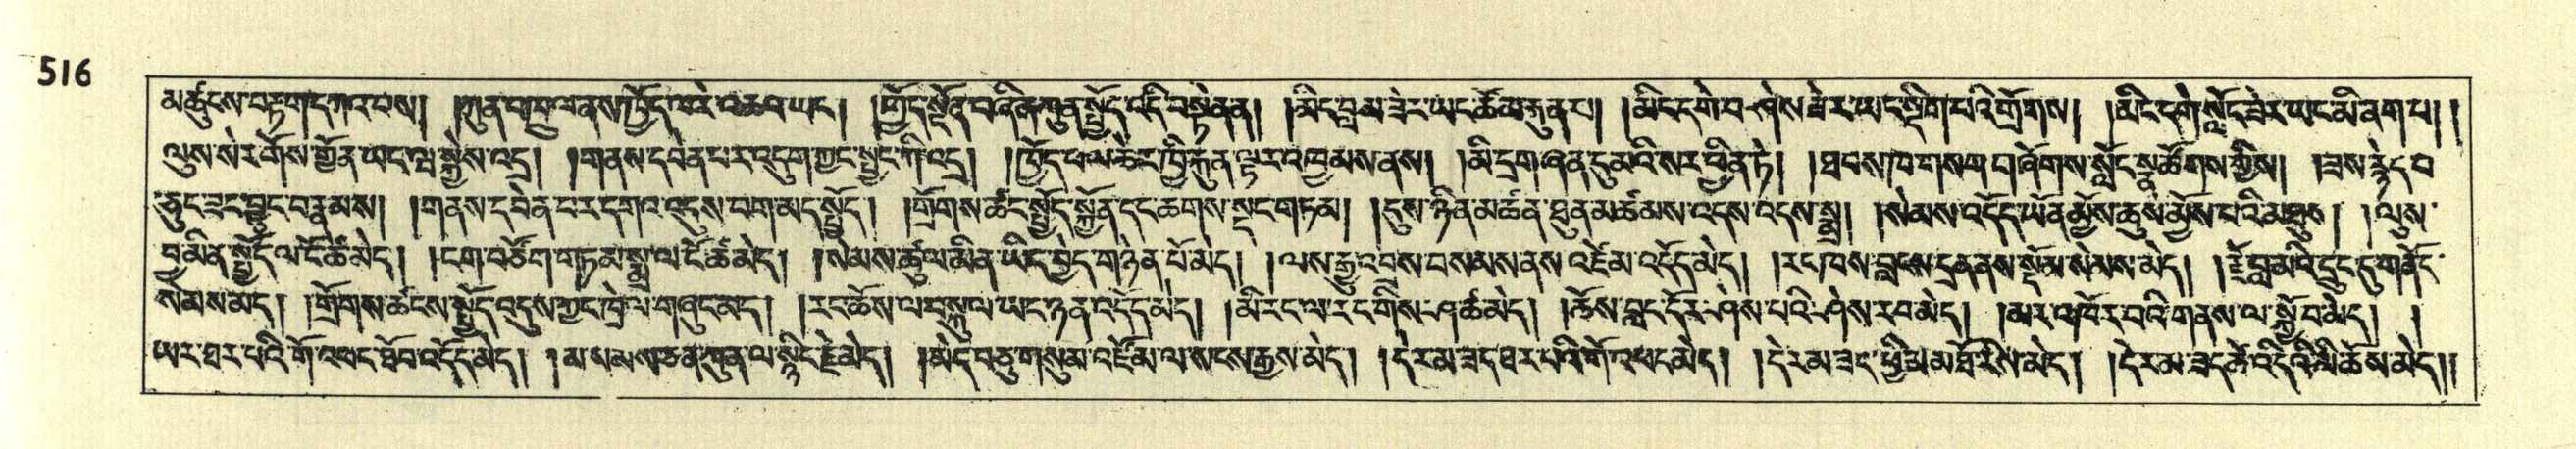མཚུངས་བརྟག་དཀའ་བས། །ཀུན་འཁྲུལ་ནས་ཁྱོད་ལ་རེ་འཆབ་ཡང་། །ཕྱོད་སྔོན་བཞིན་ཀུན་སྤྱོད་འདི་བསྟེན་ན། །མིང་བླ་མ་ཟེར་ཡང་ཚོམ་རྐུན་པ། །མིང་དགེ་བཤེས་ཟེར་ཡང་སྡིག་པའི་གྲོགས། །མིང་དགེ་སློང་ཟེར་ཡང་མི་ནག་པ། །
ལུས་སེར་གོས་གྱོན་ཡང་ཝ་སྐྱེས་འདྲ། །གནས་དབེན་པར་འདུག་ཀྱང་སྤྱང་ཀྱི་འདྲ། །ཁྱོད་པ་ལ་ཆེར་ཁྱི་རྐུན་ལྟར་འཁྱམས་ནས། །མི་དྲག་གཞན་དུ་མའི་སར་བྱིན་ཏེ། །ཐབས་ཁ་གསག་གཞོགས་སློང་སྣ་ཚོགས་གྱིས། །ཟས་རྙེད་བ་
ཅུང་ཟང་བྱུང་བ་རྣམས། །གནས་དབེན་བར་དགའ་འདུས་བག་མད་སྤྱོད། །གྲོགས་ཚང་སྤྱོད་སྐྱོན་དང་ཆགས་སྡང་གཏམ། །དུས་ཉིན་མཚན་ཐུན་མཚམས་འདས་འདས་སྨྲ། །སེམས་འདོད་ཡོན་མྱོས་ཆུས་མྱོས་པའི་མཐུས། །ལུས་
བྱ་མིན་སྤྱོད་ལ་ངོ་ཚེ་མེད། །ངག་བཙོག་གཏམ་སྨྲ་ལ་ངོ་ཚ་མེད། །སེམས་ཚུལ་མིན་ཡིད་བྱེད་གཉེན་པོ་མེད། །ལས་རྒྱུ་འབྲས་བསམས་ནས་འཛེམ་འདོད་མེད། །རང་ཁས་བླངས་དྲན་ནས་སྡོམ་སེམས་མེད། །རྗེ་བླ་མའི་དྲུང་དུ་གནོང་
སེམས་མད། །གྲོགས་ཚངས་སྤྱོད་འདུས་ཀྱང་ཁྲེལ་གཞུང་མད། །རང་ཆོས་ལ་བསྐུལ་ཡང་ཉན་འདོད་མེད། །མི་རང་ལ་རང་གིས་ཤ་ཚ་མེད། །ཆོས་བླང་དོར་ཤེས་པའི་ཤེས་རབ་མེད། །མར་འཁོར་བའི་གནས་ལ་སྐྱོ་བ་མེད། །
ཡར་ཐར་པའི་གོ་འཕང་ཐོབ་འདོད་མེད། །མ་སེམས་ཅན་ཀུན་ལ་སྙིང་རྗེ་མེད། །མེད་བཅུ་གསུམ་འཛོམས་ལ་སངས་རྒྱས་མེད། །དེར་མ་ཟད་ཐར་པའི་གོ་འཕང་མེད། །དེར་མ་ཟད་ཕྱི་མ་མཐོ་རིས་མེད། །དེར་མ་ཟད་ཚེ་འདིའི་མི་ཆོས་མེད། །